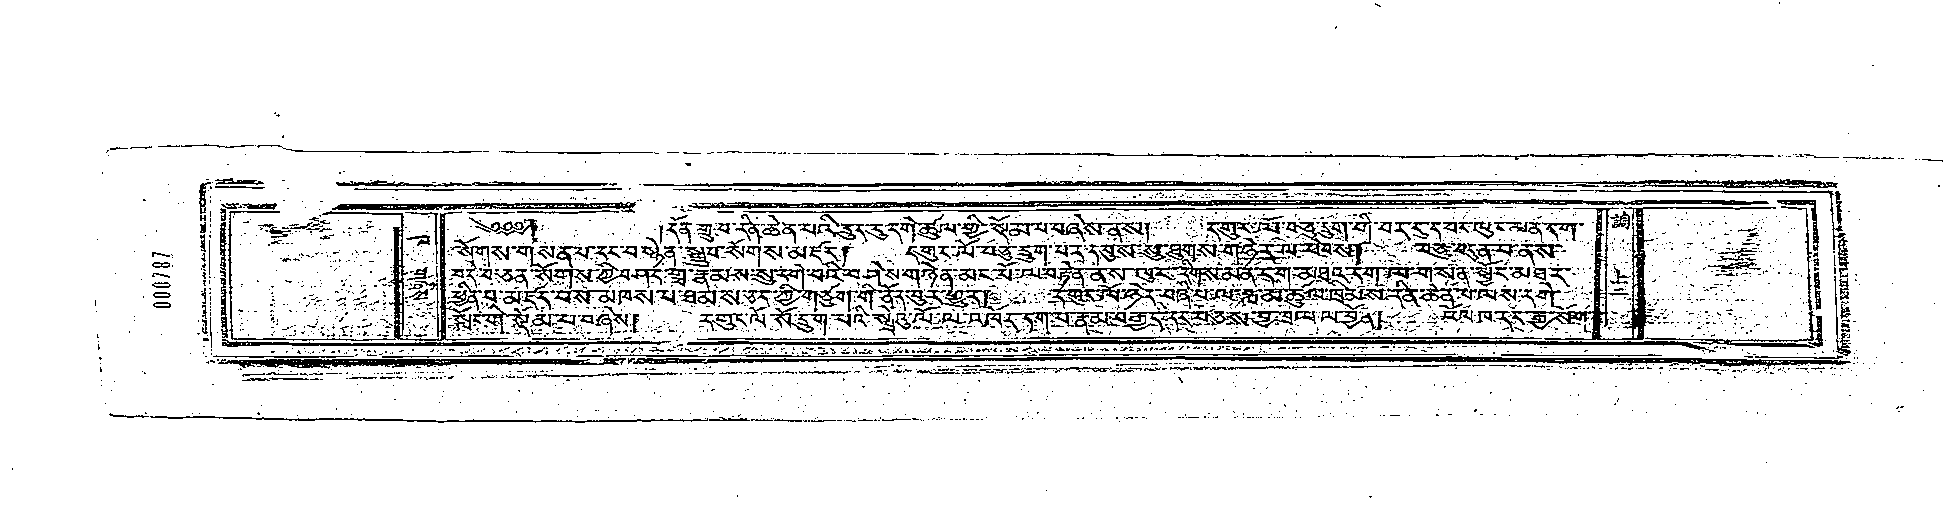༄༅༅། །དོན་གྲུབ་རིན་ཆེན་པའི་དྲུང་དུ་དགེ་ཚུལ་གྱི་སྡོམ་པ་བཞེས་ནས། དགུང་ལོ་བཅུ་དྲུག་གི་བར་དུ་དབང་ལུང་མན་ངག་
སོགས་གསན་པ་དང་བསྙེན་སྒྲུབ་སོགས་མཛད། དགུང་ལོ་བཅུ་དྲུག་པར་དབུས་སུ་ཐུགས་གཉེར་ལ་ཕེབས། བཅུ་བདུན་པ་ནས་
བདེ་བ་ཅན་སོགས་ཀྱི་བཤད་གྲྭ་རྣམས་སུ་དགེ་བའི་བཤེས་གཉེན་མང་པོ་ལ་རྟེན་ནས་ལུང་རིགས་མན་དག་མཐའ་དག་ལ་གསན་སྦྱོང་མཐར་
ཕྱིན་པ་མཛད་པས་མཁས་པ་ཐམས་ཅད་ཀྱི་གཙུག་གི་ནོར་བུར་གྱུར། དགུང་ལོ་ཉེར་བཞི་པ་ལ་བླ་མ་ཚུལ་ཁྲིམས་རིན་ཆེན་པ་ལས་དགེ་
སློང་གི་སྡོམ་པ་བཞེས། དགུང་ལོ་སོ་དྲུག་པའི་སྤརེའུ་ལོ་ལ་འཁོར་དག་པ་རྣམ་བརྒྱད་དང་བཅས་བྱ་བྲལ་ལ་བྱོན། འོལ་ཁ་དང་རྒྱ་སོག་